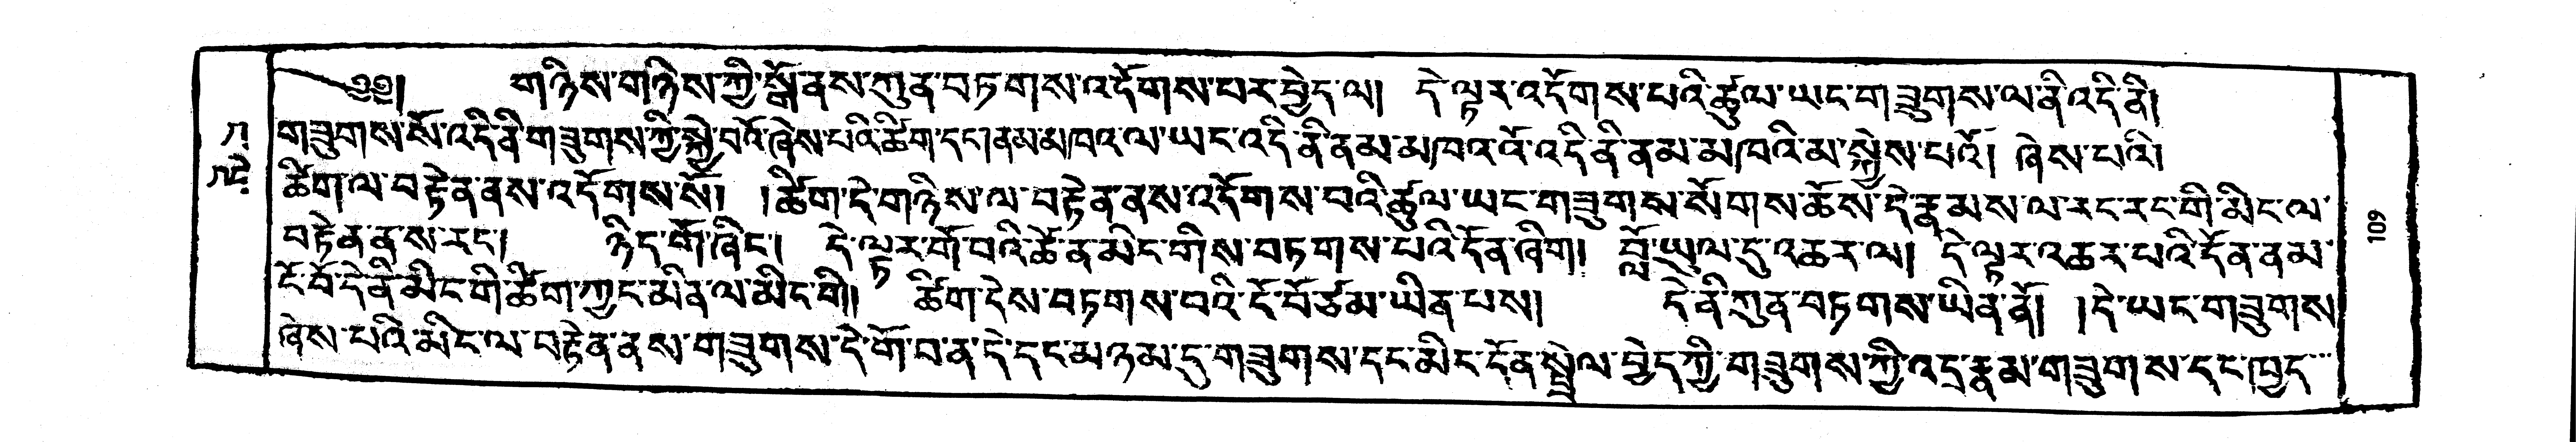༄༅། །གཉིས་གཉིས་ཀྱི་སྒོ་ནས་ཀུན་བཏགས་འདོགས་པར་བྱེད་ལ། དེ་ལྟར་འདོགས་པའི་ཚུལ་ཡང་གཟུགས་ལ་ནི་འདི་ནི།
གཟུགས་སོ་འདི་ནི་གཟུགས་ཀྱི་སྐྱེ་བའོ་ཞེས་པའི་ཚིག་དང་། ནམ་མཁའ་ལ་ཡང་འདི་ནི་ནམ་མཁའ་འོ་འདི་ནི་ནམ་མཁའི་མ་སྐྱེས་པའོ། །ཞེས་པའི།
ཚིག་ལ་བརྟེན་ནས་འདོགས་སོ། །ཚིག་དེ་གཉིས་ལ་བརྟེན་ནས་འདོགས་པའི་ཚུལ་ཡང་གཟུགས་སོགས་ཆོས་དེ་རྣམས་ལ་རང་རང་གི་མིང་ལ་
བརྟེན་ནས་རང་། ཉིད་གོ་ཞིང་། དེ་ལྟར་གོ་བའི་ཚེ་ན་མིང་གིས་བཏགས་པའི་དོན་ཞིག །བློ་ཡུལ་དུ་འཆར་ལ། དེ་ལྟར་འཆར་བའི་དོན་ནམ་
ངོ་བོ་དེ་ནི་མིང་གི་ཚིག་ཀྱང་མིན་ལ་མིང་གི །ཚིག་དེས་བཏགས་པའི་ངོ་བོ་ཙམ་ཡིན་པས། དེ་ནི་ཀུན་བཏགས་ཡིན་ནོ། །དེ་ཡང་གཟུགས་
ཞེས་པའི་མིང་ལ་བརྟེན་ནས་གཟུགས་དེ་གོ་བ་ན་དེ་དང་མཉམ་དུ་གཟུགས་དང་མིང་དོན་སྤྲེལ་བྱེད་ཀྱི་གཟུགས་ཀྱི་འདྲ་རྣམ་གཟུགས་དང་ཁྱད་